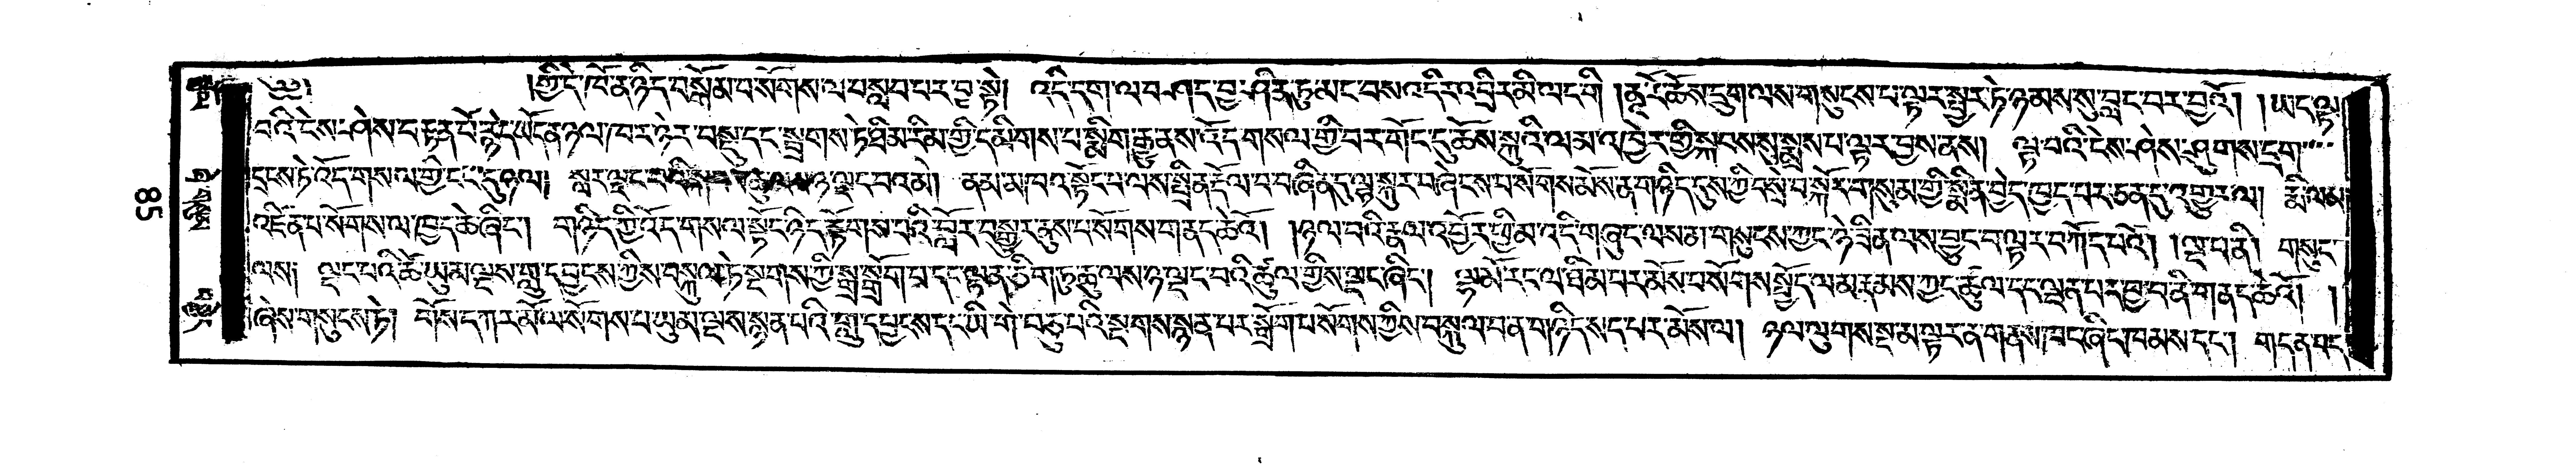༄༅། །གྱི་དེ་ཁོ་ན་ཉིད་བསྒོམ་པ་སོགས་ལ་བསླབ་པར་བྱ་སྟེ། འདི་དག་ལ་བཤད་བྱ་ཤིན་ཏུ་མང་བས་འདིར་འདྲིར་མི་ལང་གིས། ནཱ་རོ་ཆོས་དྲུག་ལས་གསུངས་པ་ལྟར་སྦྱར་ཏེ་ཉམས་སུ་བླང་བར་བྱའོ། །ཡང་ལྟ་
བའི་ངེས་ཤེས་བརྟན་པོ་རྙེད་ཡོད་ན་ཉལ་ཁར་ཉེར་བསྡུ་དང་སྦྲགས་ཏེ་ཐིམ་རིམ་གྱི་དམིགས་པ་སྨིག་རྒྱུ་ནས་འོད་གསལ་གྱི་བར་གོང་དུ་ཆོས་སྐུའི་ལམ་འཁྱེར་གྱི་སྐབས་སུ་སྨྲས་པ་ལྟར་བྱས་ནས། ལྟ་བའི་ངེས་ཤེས་ཤུགས་དྲག་
དྲངས་ཏེ་འོད་གསལ་གྱི་ངང་དུ་ཉལ། སླར་ལྡང་པའི་སྐབས་ཆུ་ལས་ཉ་ལྡང་བའམ། ནམ་མཁའ་སྟོང་པ་ལས་སྤྲིན་རྡོལ་པ་བཞིན་དུ་ལྷ་སྐུར་བཞེངས་པ་སོགས་མོས་ན་གཉིད་དུས་ཀྱི་བསྲེ་བ་སྐོར་གསུམ་གྱི་སྨིན་བྱེད་ཁྱད་པར་ཅན་དུ་འགྱུར་ལ། རྨི་ལམ་
འཛིན་བ་སོགས་ལ་ཁྱད་ཆེ་ཞིང་། གཉིད་ཀྱི་འོད་གསལ་སྟོང་ཉིད་རྟོགས་པའི་བློར་བསྒྱུར་ནུས་པ་སོགས་གནད་ཆེའོ། །ཉལ་བའི་རྣལ་འབྱོར་ཕྱི་མ་འདི་གཞུང་ལས་མ་གསུངས་ཀྱང་ཉེ་ཟིན་ལས་བྱུང་བ་ལྟར་བཀོད་པའོ། །ལྔ་པ་ནི། གསུང་
ལས༑ ལྡང་བའི་ཚེ་ཡུམ་ལྔས་གླུ་དབྱངས་ཀྱིས་བསྐུལ་ཏེ་སྔགས་ཀྱི་སྒྲ་སྒྲོག་པ་དང་ལྷན་ཅིག་ཏུ་ཆུ་ལས་ཉ་ལྡང་པའི་ཚུལ་གྱིས་ལྡང་ཞིང་། ལྷ་མོ་རང་ལ་ཐིམ་པར་མོས་པ་སོགས་སྤྱོད་ལམ་རྣམས་ཀྱང་ཚུལ་དང་ལྡན་པར་བྱ་བ་ནི་གནད་ཆེའོ། །
ཞེས་གསུངས་ཏེ། གོས་དཀར་མོ་ལ་སོགས་པ་ཡུམ་ལྔས་སྙན་པའི་གླུ་དབྱངས་དང་ཡི་གེ་བཅུ་པའི་སྔགས་སྙན་པར་སྒྲོག་པ་སོགས་ཀྱིས་བསྐུལ་བ་ན་གཉིད་སད་པར་མོས་ལ། ཉལ་ལུགས་སྔ་མ་ལྟར་ན་གནས་ཁང་ཞིང་ཁམས་དང་། གདན་བད་